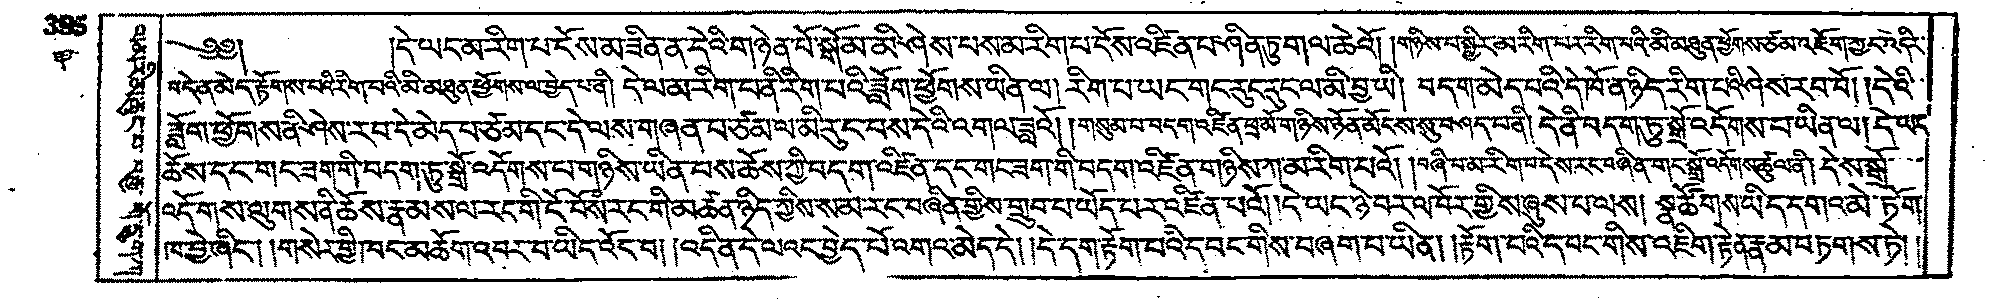༄༅། །དེ་ཡང་མ་རིག་པ་ངོས་མ་ཟིན་ན་དེའི་གཉེན་པོ་སྒོམ་མི་ཤེས་པས་མ་རིག་པ་ངོས་འཛིན་པ་ཤིན་ཏུ་གལ་ཆེའོ། །གཉིས་པ་སྤྱིར་མ་རིག་པར་རིག་པའི་མི་མཐུན་ཕྱོགས་ཙམ་འཇོག་ཀྱང་འདིར་
བདེན་མེད་རྟོགས་པའི་རིག་པའི་མི་མཐུན་ཕྱོགས་ལ་བྱེད་པ་ནི། དེ་ལ་མ་རིག་པ་ནི་རིག་པའི་ཟློག་ཕྱོགས་ཡིན་ལ། རིག་པ་ཡང་གང་རུང་རུང་ལ་མི་བྱ་ཡི། བདག་མེད་པའི་དེ་ཁོ་ན་ཉིད་རིག་པའི་ཤེས་རབ་བོ། །དེའི་
ཟློག་ཕྱོགས་ནི་ཤེས་རབ་དེ་མེད་པ་ཙམ་དང་དེ་ལས་གཞན་པ་ཙམ་ལ་མི་རུང་བས་དེའི་འགལ་ཟླའོ། །གསུམ་པ་བདག་འཛིན་ཕྲ་མོ་གཉིས་ཉོན་མོངས་སུ་བཤད་པ་ནི།  དེ་ནི་བདག་ཏུ་སྒྲོ་འདོགས་པ་ཡིན་ལ། དེ་ཡང་
ཆོས་དང་གང་ཟག་གི་བདག་ཏུ་སྒྲོ་འདོགས་པ་གཉིས་ཡིན་པས་ཆོས་ཀྱི་བདག་འཛིན་དང་གང་ཟག་གི་བདག་འཛིན་གཉིས་ཀ་མ་རིག་པའོ། །བཞི་པ་མ་རིག་པ་དེས་རང་བཞིན་གང་སྒྲོ་འདོགས་ཚུལ་ནི།  དེས་སྒྲོ་
འདོགས་ལུགས་ནི་ཆོས་རྣམས་ལ་རང་གི་ངོ་བོསཾ་རང་གི་མཚན་ཉིད་ཀྱིས་སམ་རང་བཞིན་གྱིས་གྲུབ་པ་ཡོད་པར་འཛིན་པའོ། །དེ་ཡང་ཉེ་བར་འཁོར་གྱིས་ཞུས་པ་ལས། སྣ་ཚོགས་ཡིད་དགའ་མེ་ཏོག་
ཁ་བྱེ་ཞིང་། །གསེར་གྱི་ཁང་མཆོག་འབར་བ་ཡིད་འོང་བ། །འདི་ན་དེ་ལའང་བྱེད་པོ་འགའ་མེད་དེ། །དེ་དག་རྟོག་པའི་དབང་གིས་བཞག་པ་ཡིན། །རྟོག་པའི་དབང་གིས་འཇིག་རྟེན་རྣམ་བཏགས་ཏེ། །